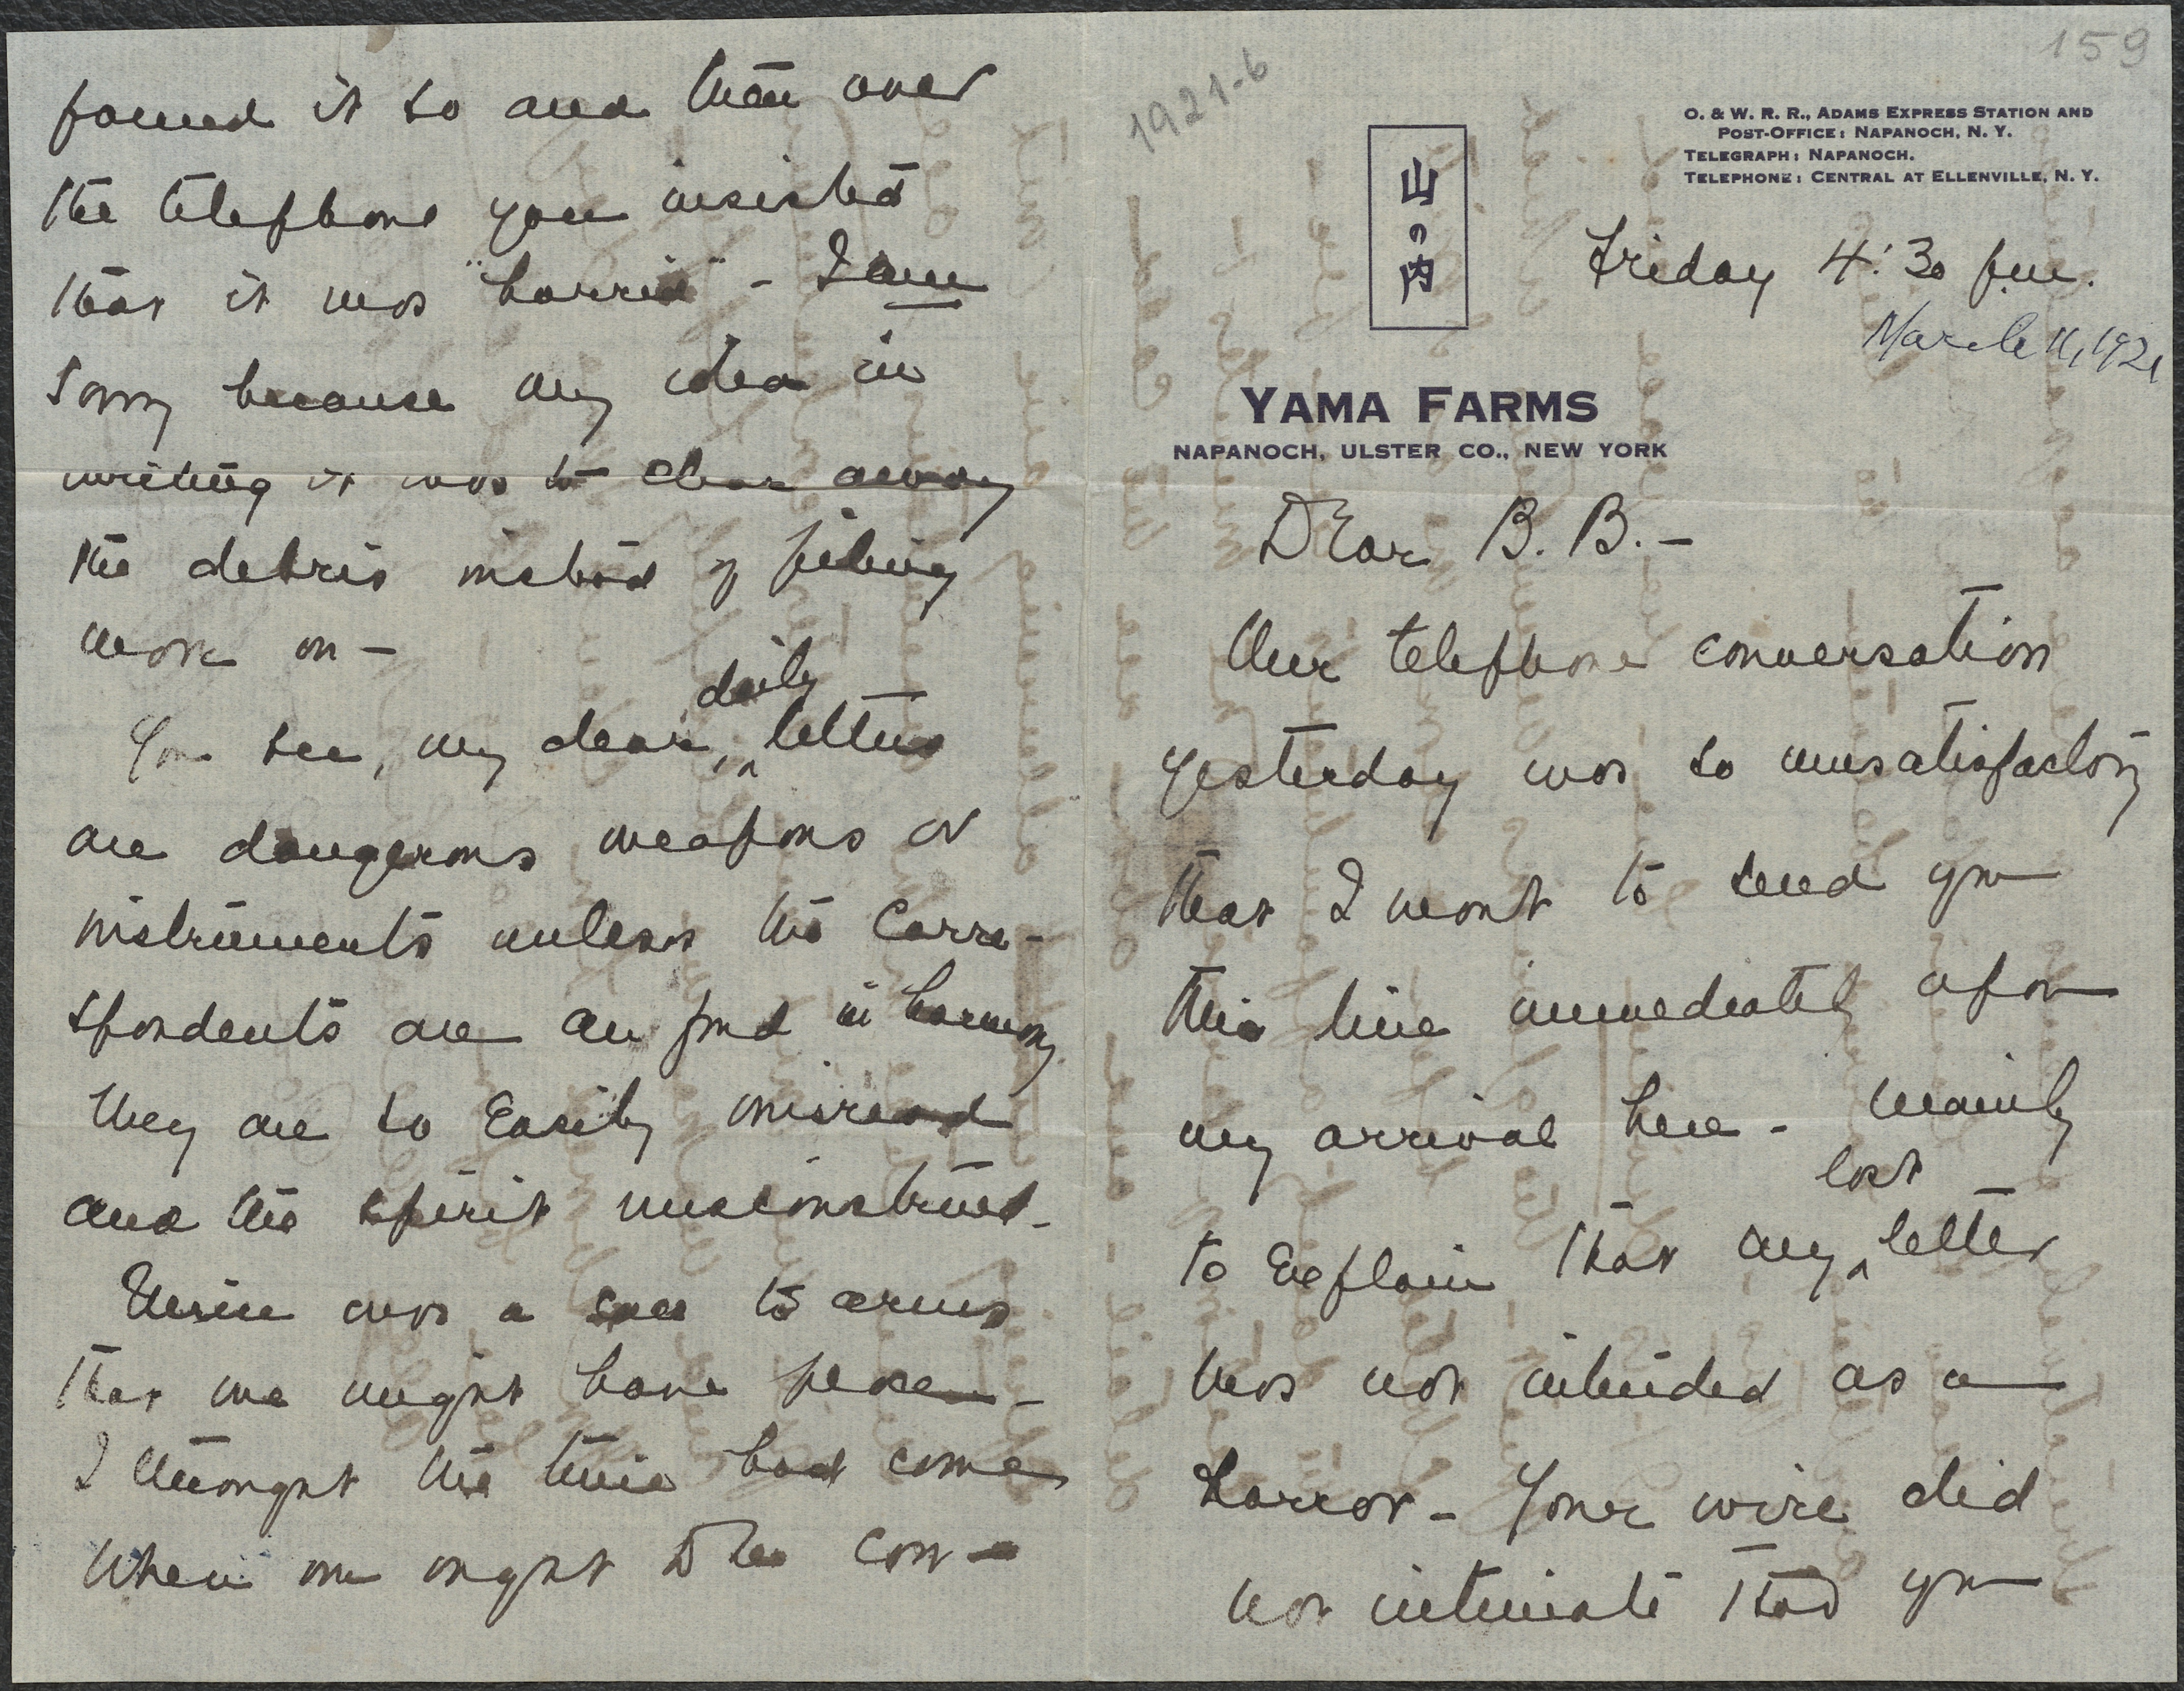Friday 4:30 p.m.
[In blue pen: March 11, 1921]
Dear B.B. –
Our telephone conversation yesterday was so unsatisfactory that I want to send you this line immediately upon my arrival here – mainly to explain that my [^last^] letter was not intended as a horror – Your wire did not intimate that you
found it so and then over the telephone you insisted that it was "horrid" – I am sorry because my idea in writing was to clear away the debris instead of piling more on –
You see, my dear, [^daily^] letters are dangerous weapons or instruments unless the correspondents are au fond in harmony. They are so easily misread and the spirit misconstrued.
Mine was a call to arms that we might have peace –
I thought the time had come when we ought to be constructively